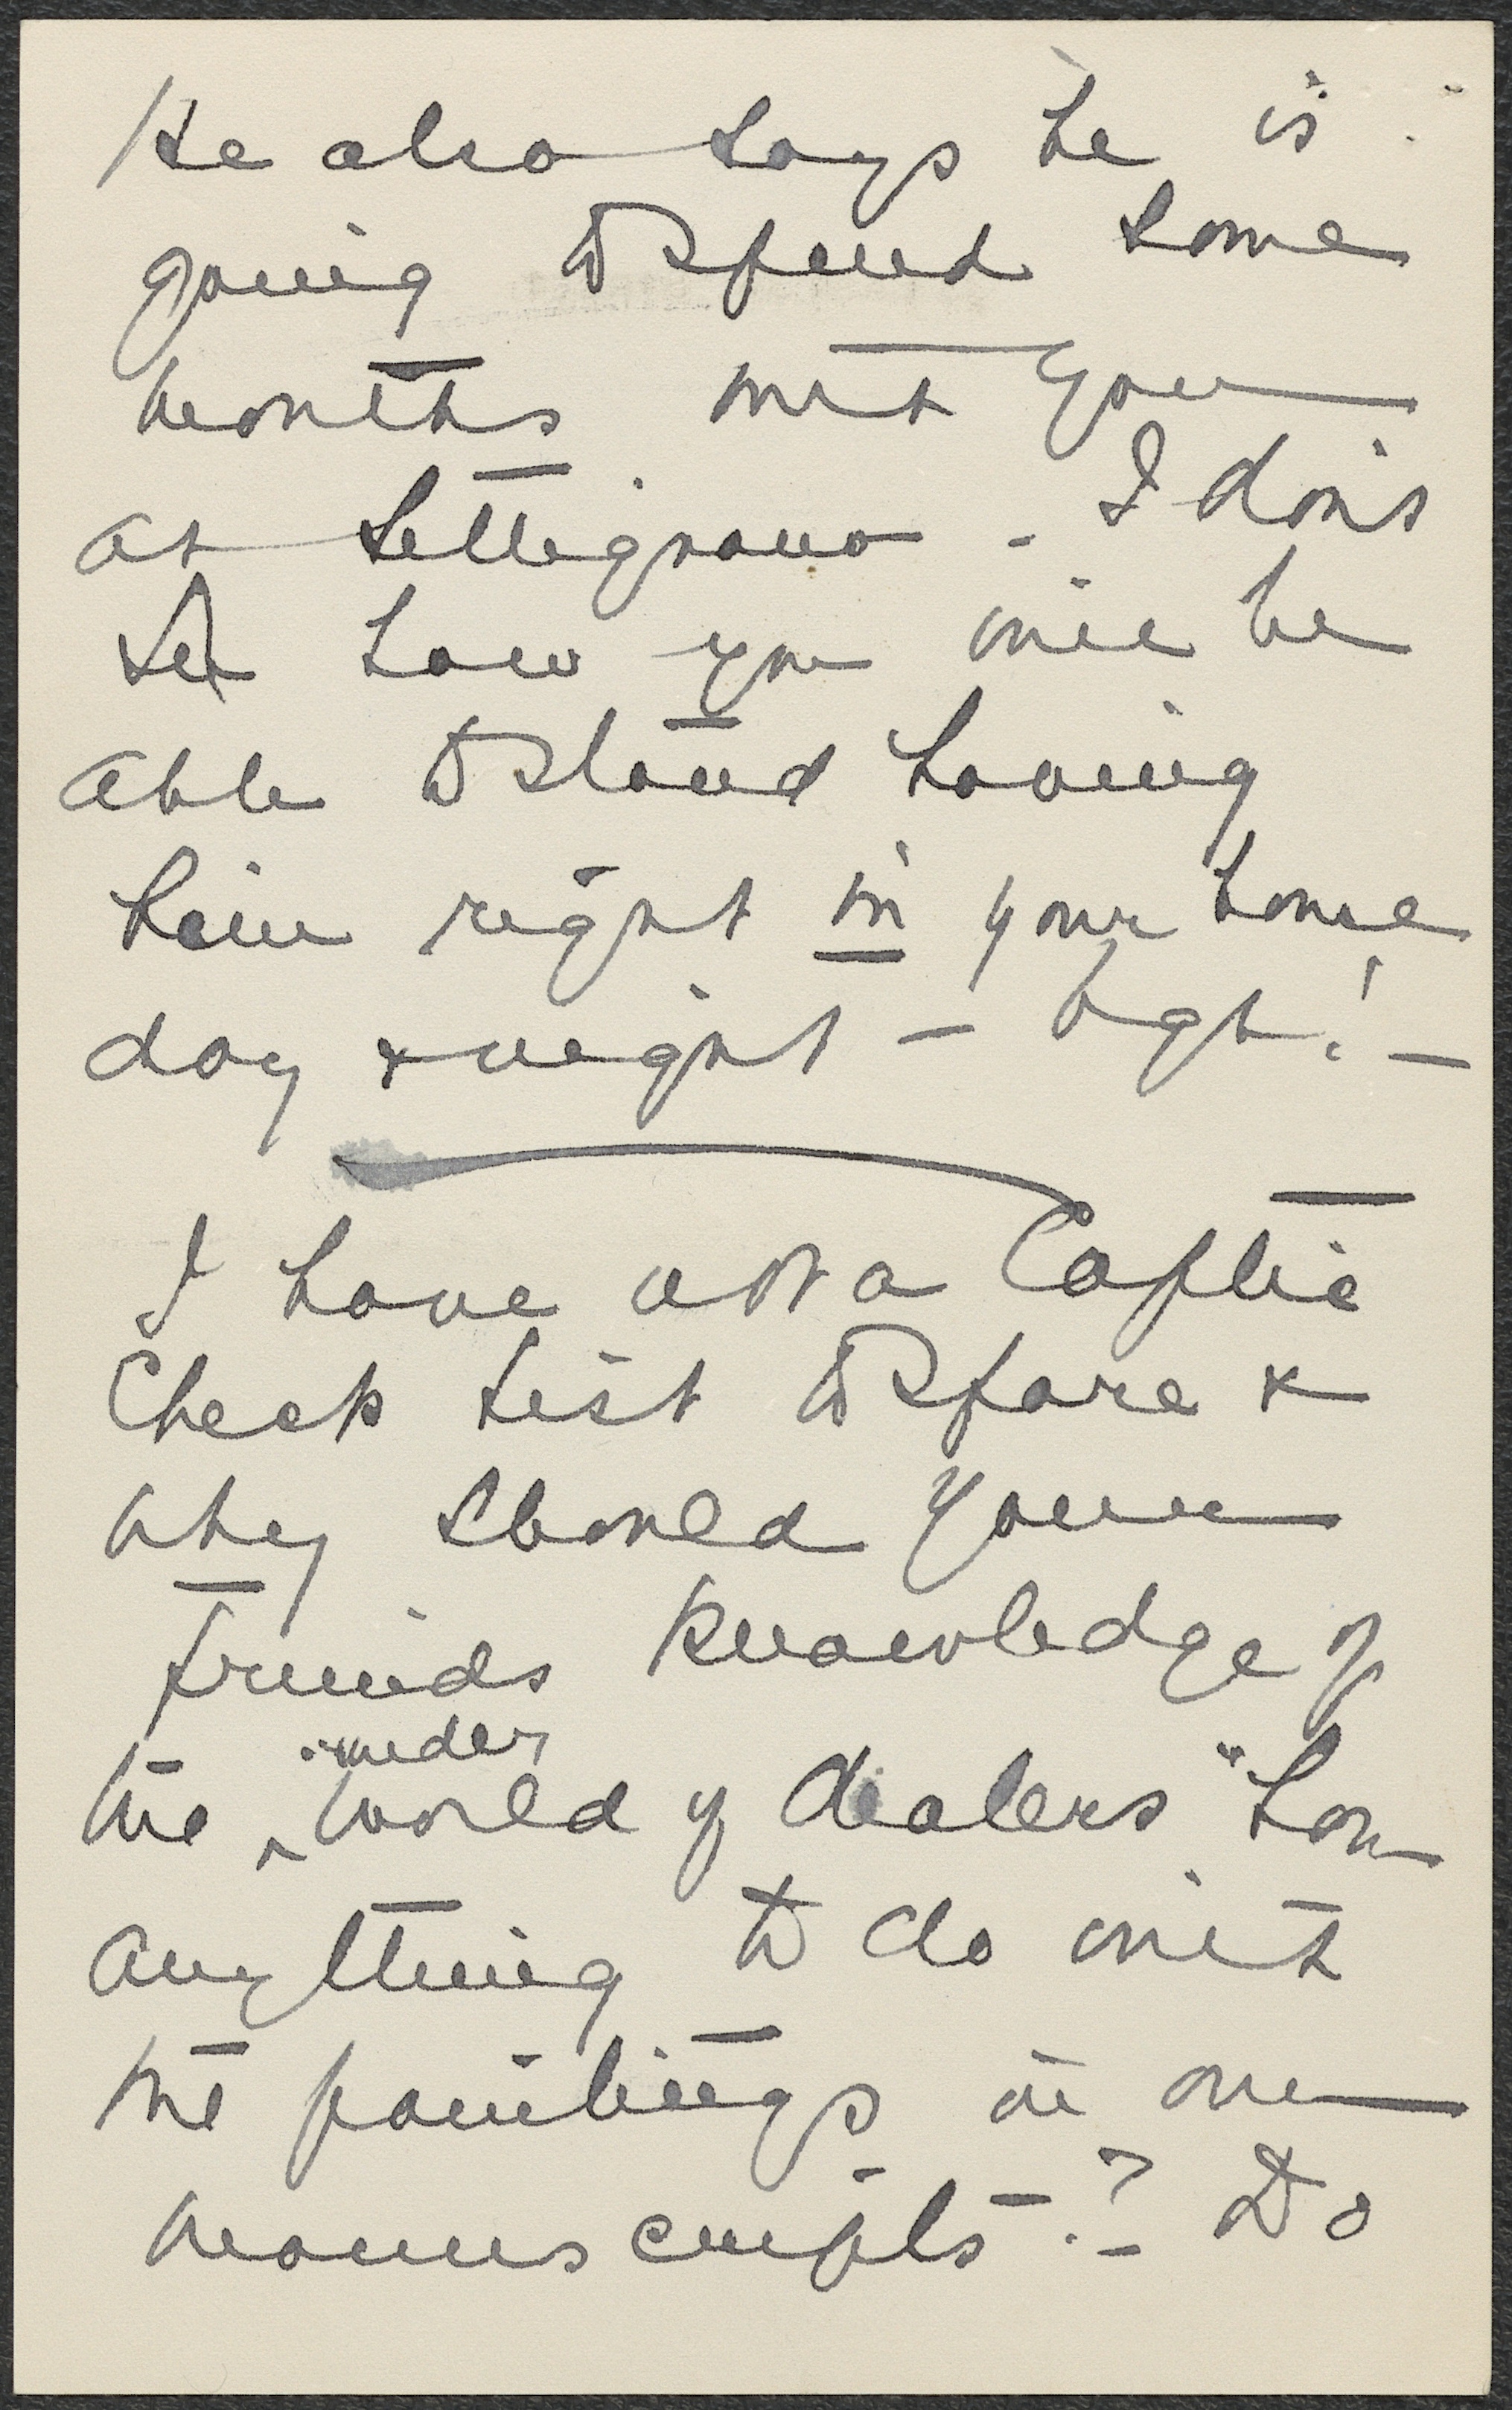He also says he is going to spend some months with you at Settignano. I don't see how you will be able to stand having him right in your home day & night – ugh! –
I have not a Coptic Check List to spare & why should your friends knowledge of the [^under^]world of dealers have anything to do with the paintings in our manuscripts? – Do